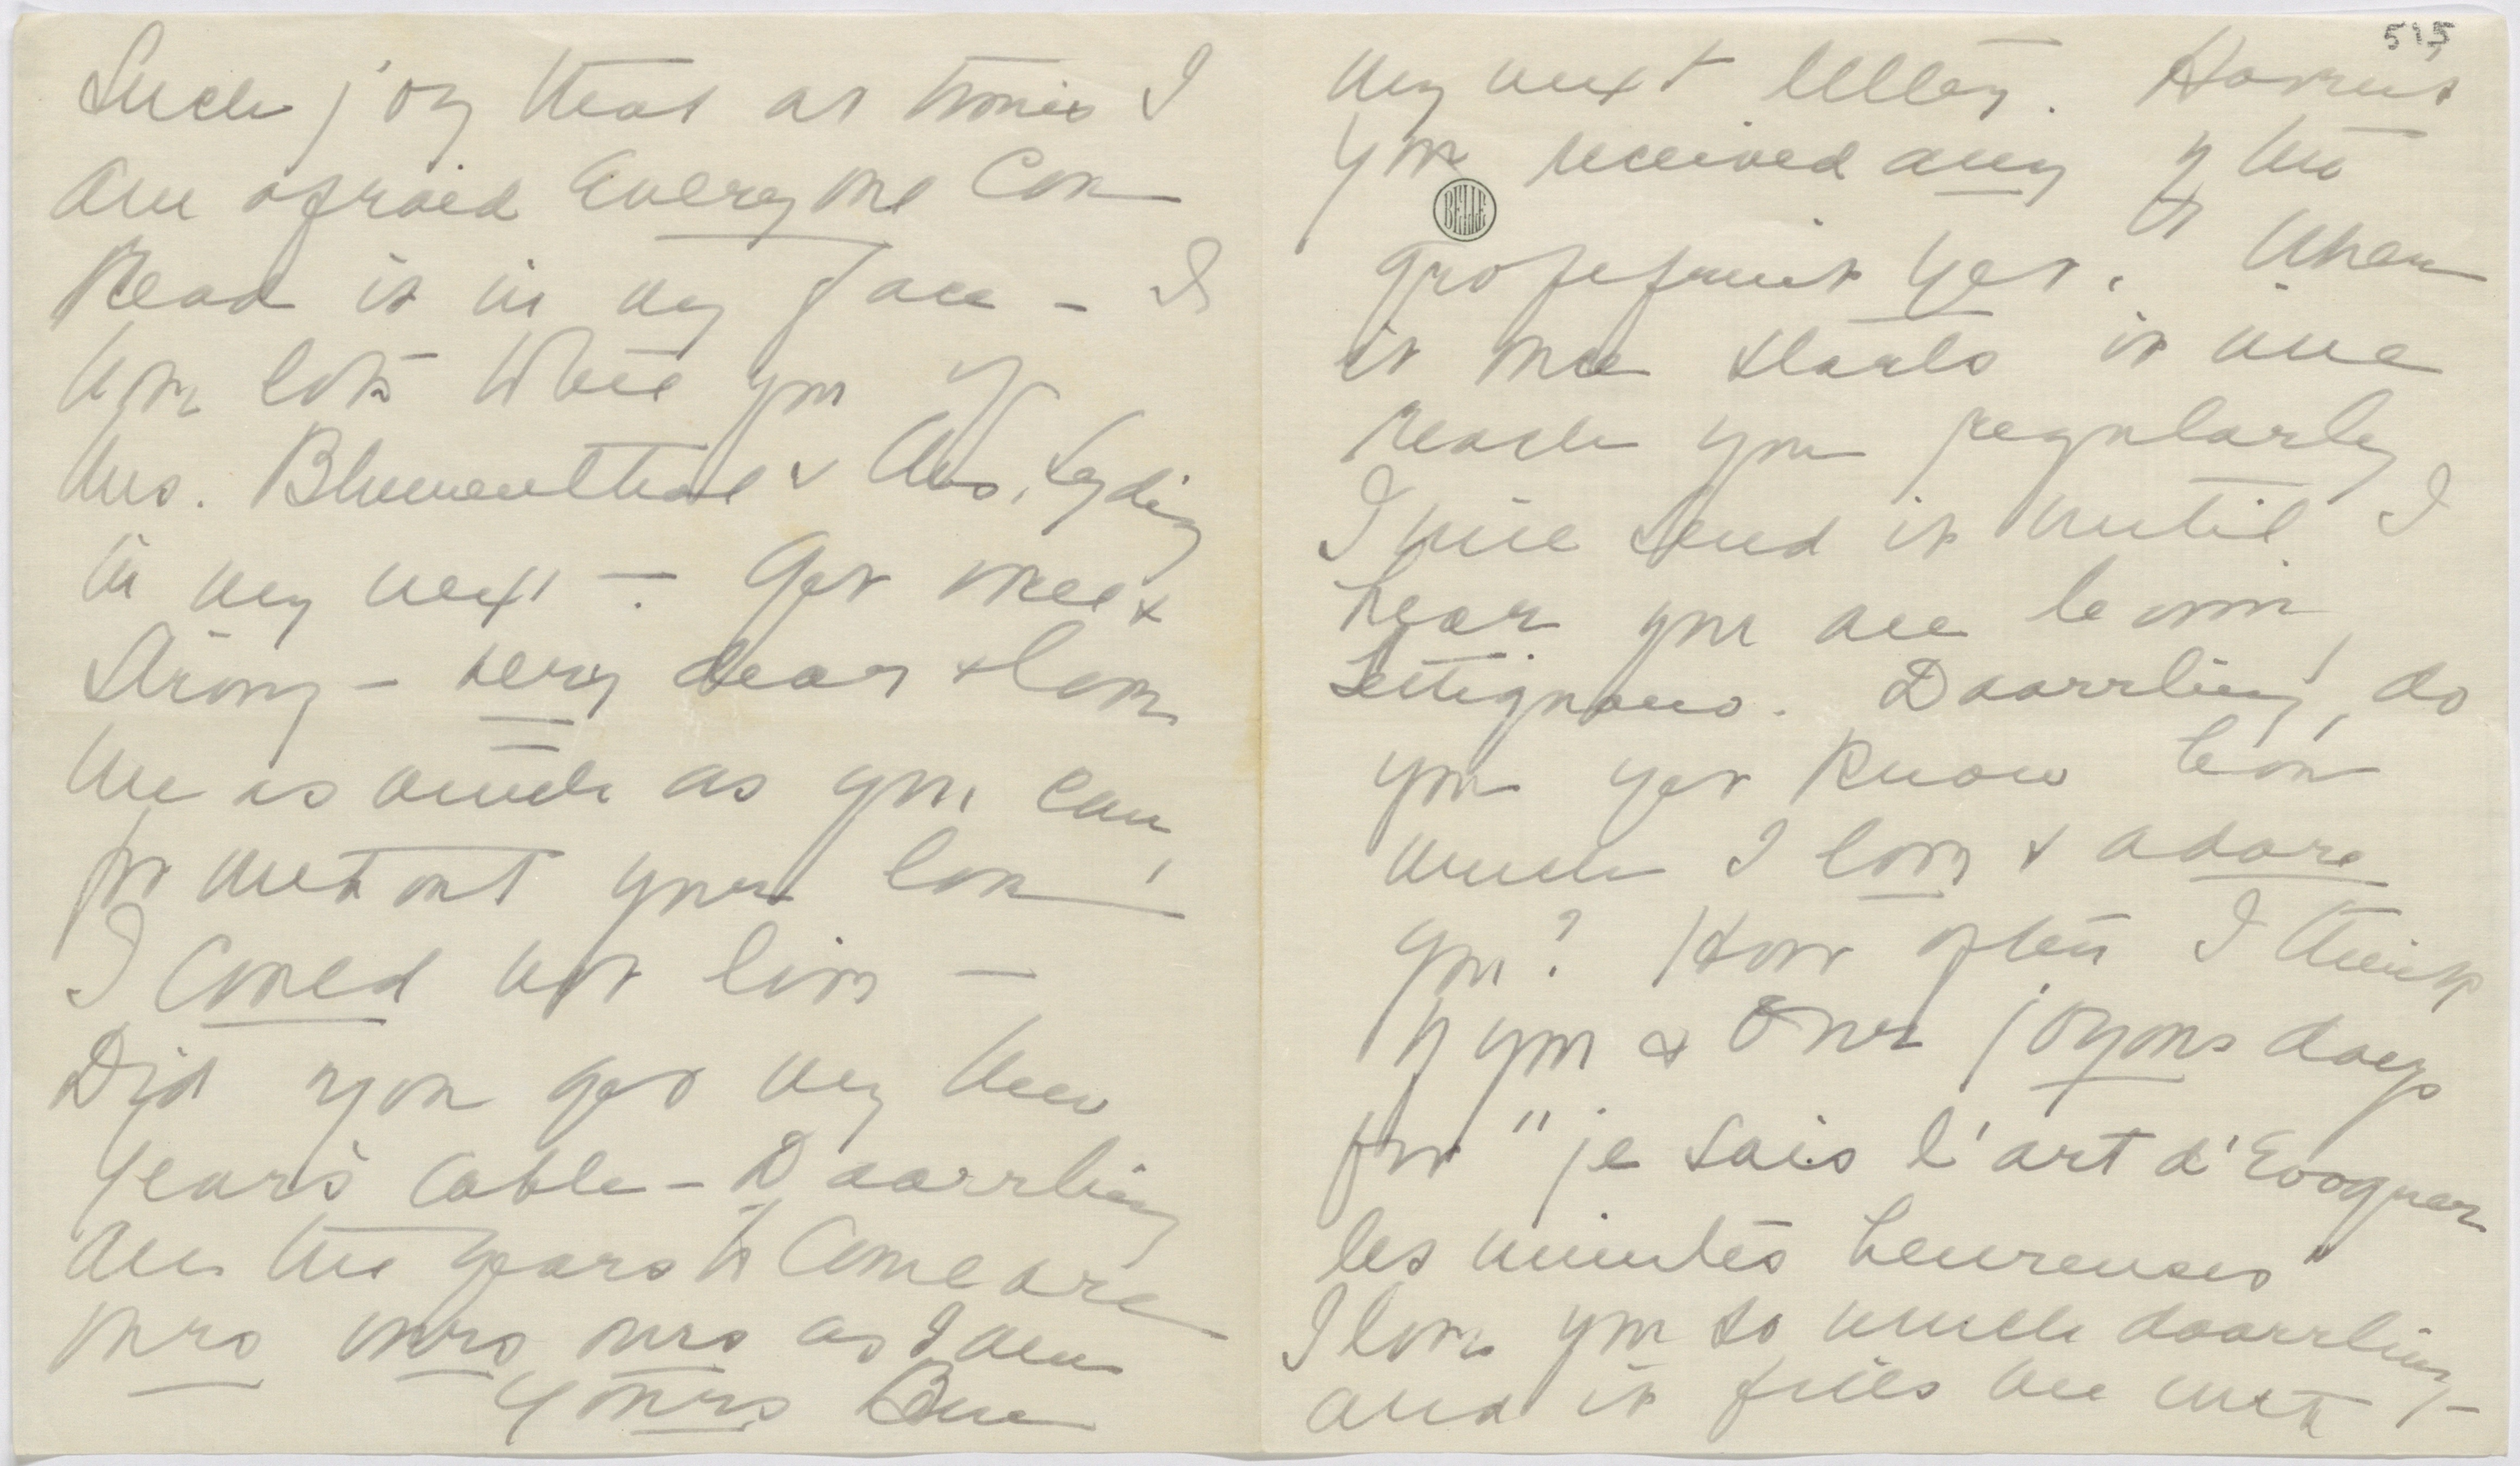my next letter. Haven’t you received any of the grapefruit yet? When it once starts it will reach you regularly I will send it until I hear you are leaving Settignano. Daarrling, do you yet know how much I love & adore you? How often I think of you & our joyous days for “je sais l’art d’evoquer les minutes heureuses”
I love you so much daarrling – and it fills me with
Such joy that at times I am afraid every one can read it in my face – I have lots to tell you of Mrs. Blumenthal & Mrs. Lydig in my next – Get well & strong – [double underlined: very] dear & love me as much as you can for without your love I could not live –
Did you get my New Year’s cable – Daarrling all the years to come are ours ours ours as I am
Yours Belle